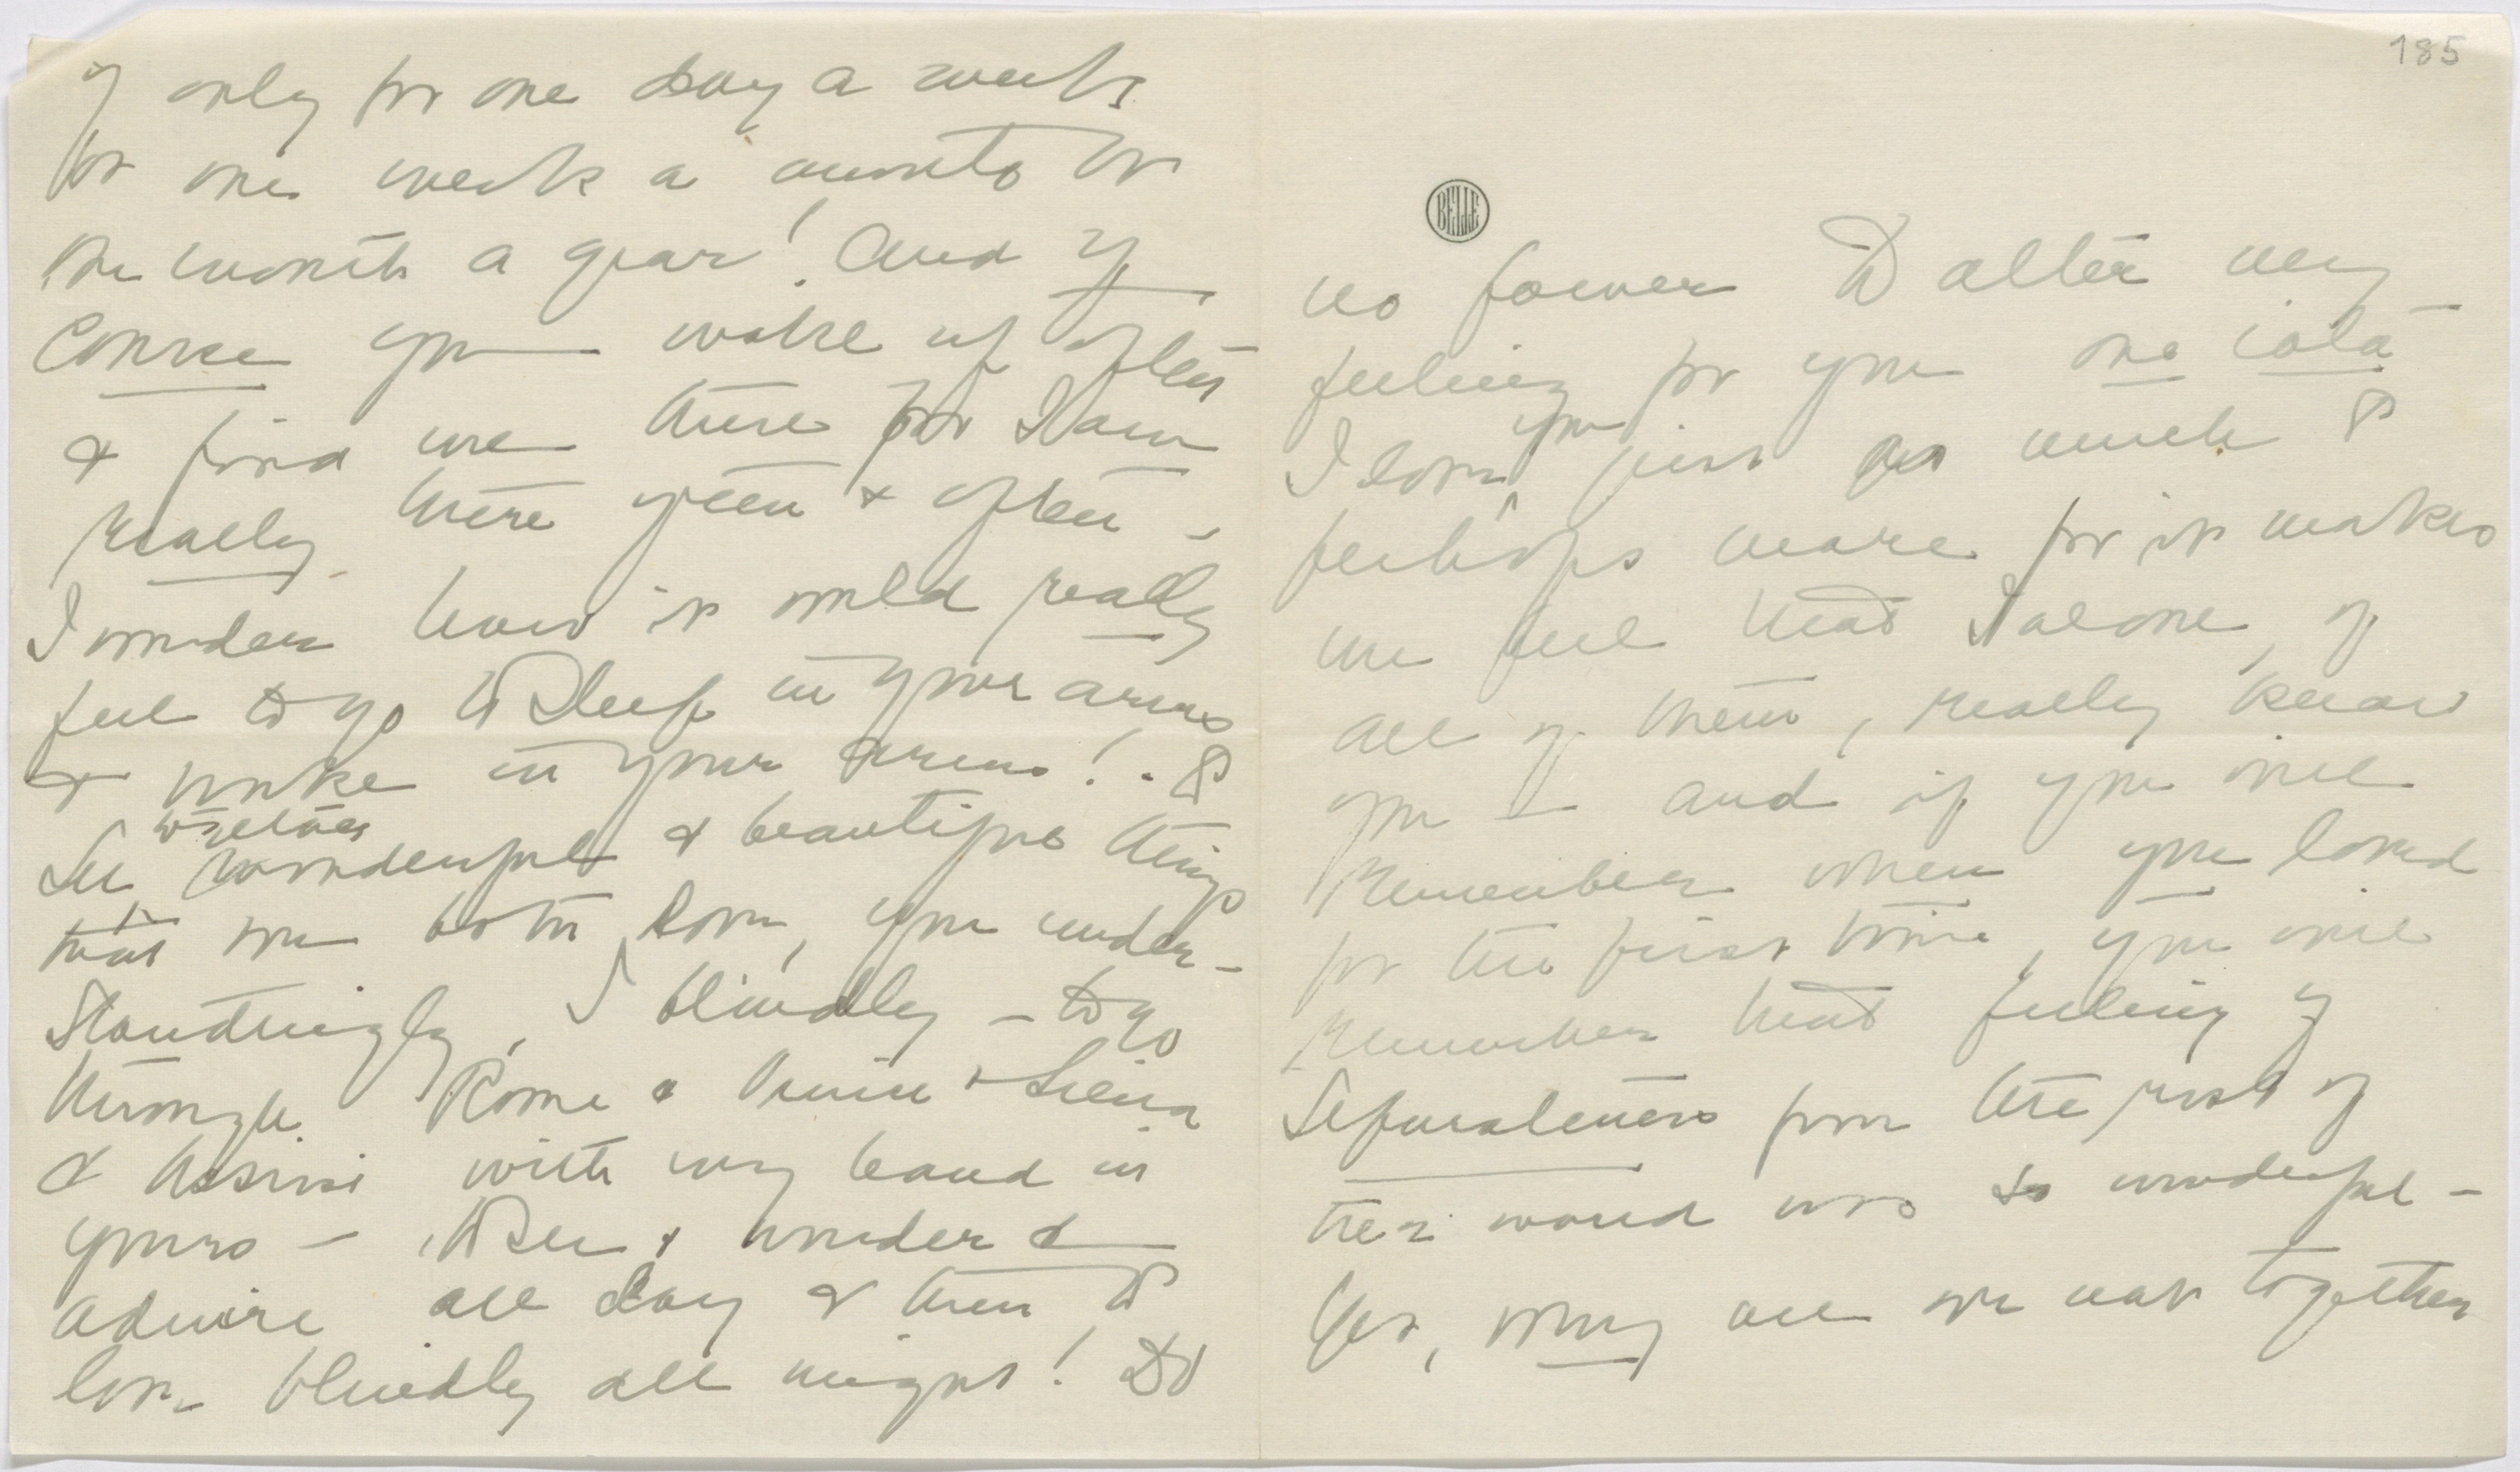no power to alter my feeling for you one iota
I love [ˆyouˆ] just as much & perhaps more for it makes me feel that I alone, of all of them, really know you – and if you will remember when you loved for the first time, you will remember that feeling of separateness from the rest of the world was so wonderful – Yet, why are we not together
if only for one day a week or one week a month or one month a year! And of course you wake up often & find me there for I am really there often & often – I wonder how it would really feel to go to sleep in your arms & wake in your arms! – to see [ˆtogetherˆ] wonderful & beautiful things that we both love, you understandingly, I blindly – to go through Rome & Venice & Siena & Assisi with my hand in yours – to see & wonder & admire all day & then to love blindly all night! Do